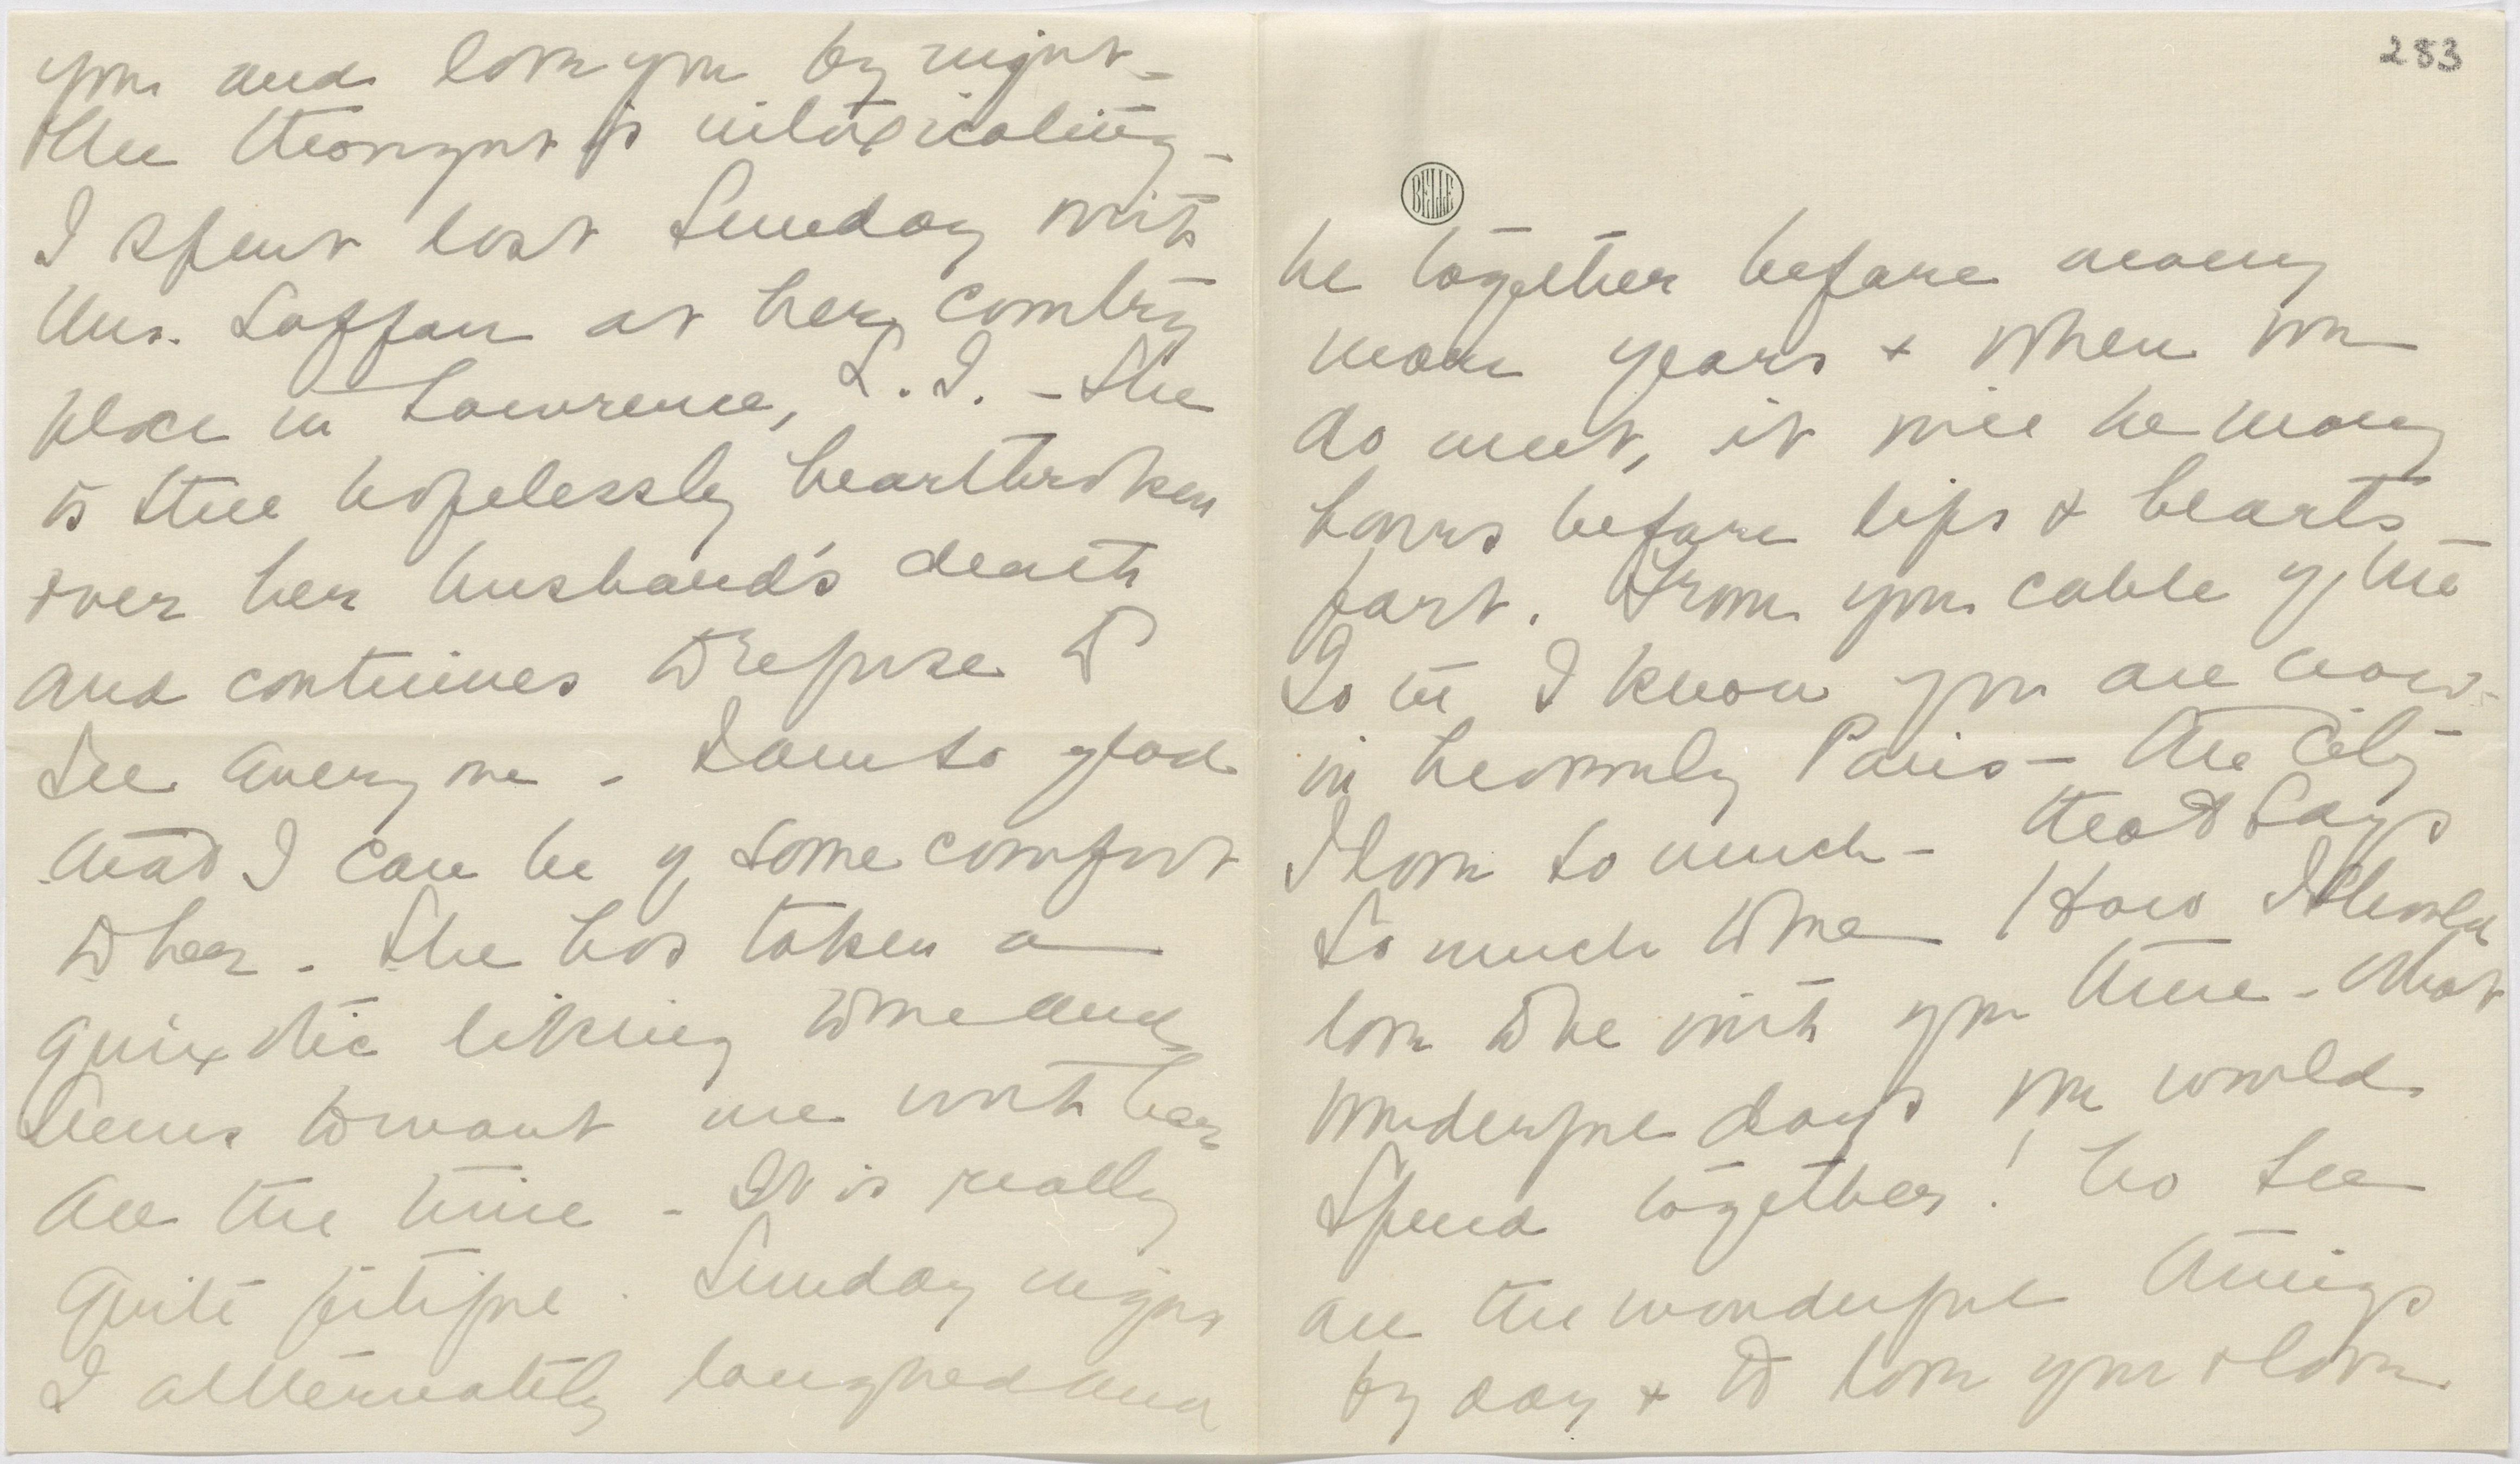be together before many more years & when we do meet, it will be many hours before lips & hearts part. From your cable of the 20th I know you are now in heavenly Paris – the city I love so much – that says so much to me – How I should love to be with you there – what wonderful days we would spend together! To see all the wonderful things by day & to love you & love
you and love you by night – the thought is intoxicating – I spent last Sunday with Mrs. Laffan at her country place in Lawrence, L. I. – She is still hopelessly heartbroken over her husband’s death and continues to refuse to see every one – I am so glad that I can be of some comfort to her – She has taken a quixotic liking to me and seems to want me with her all the time – It is really quite pitiful. Sunday night I alternately laughed and